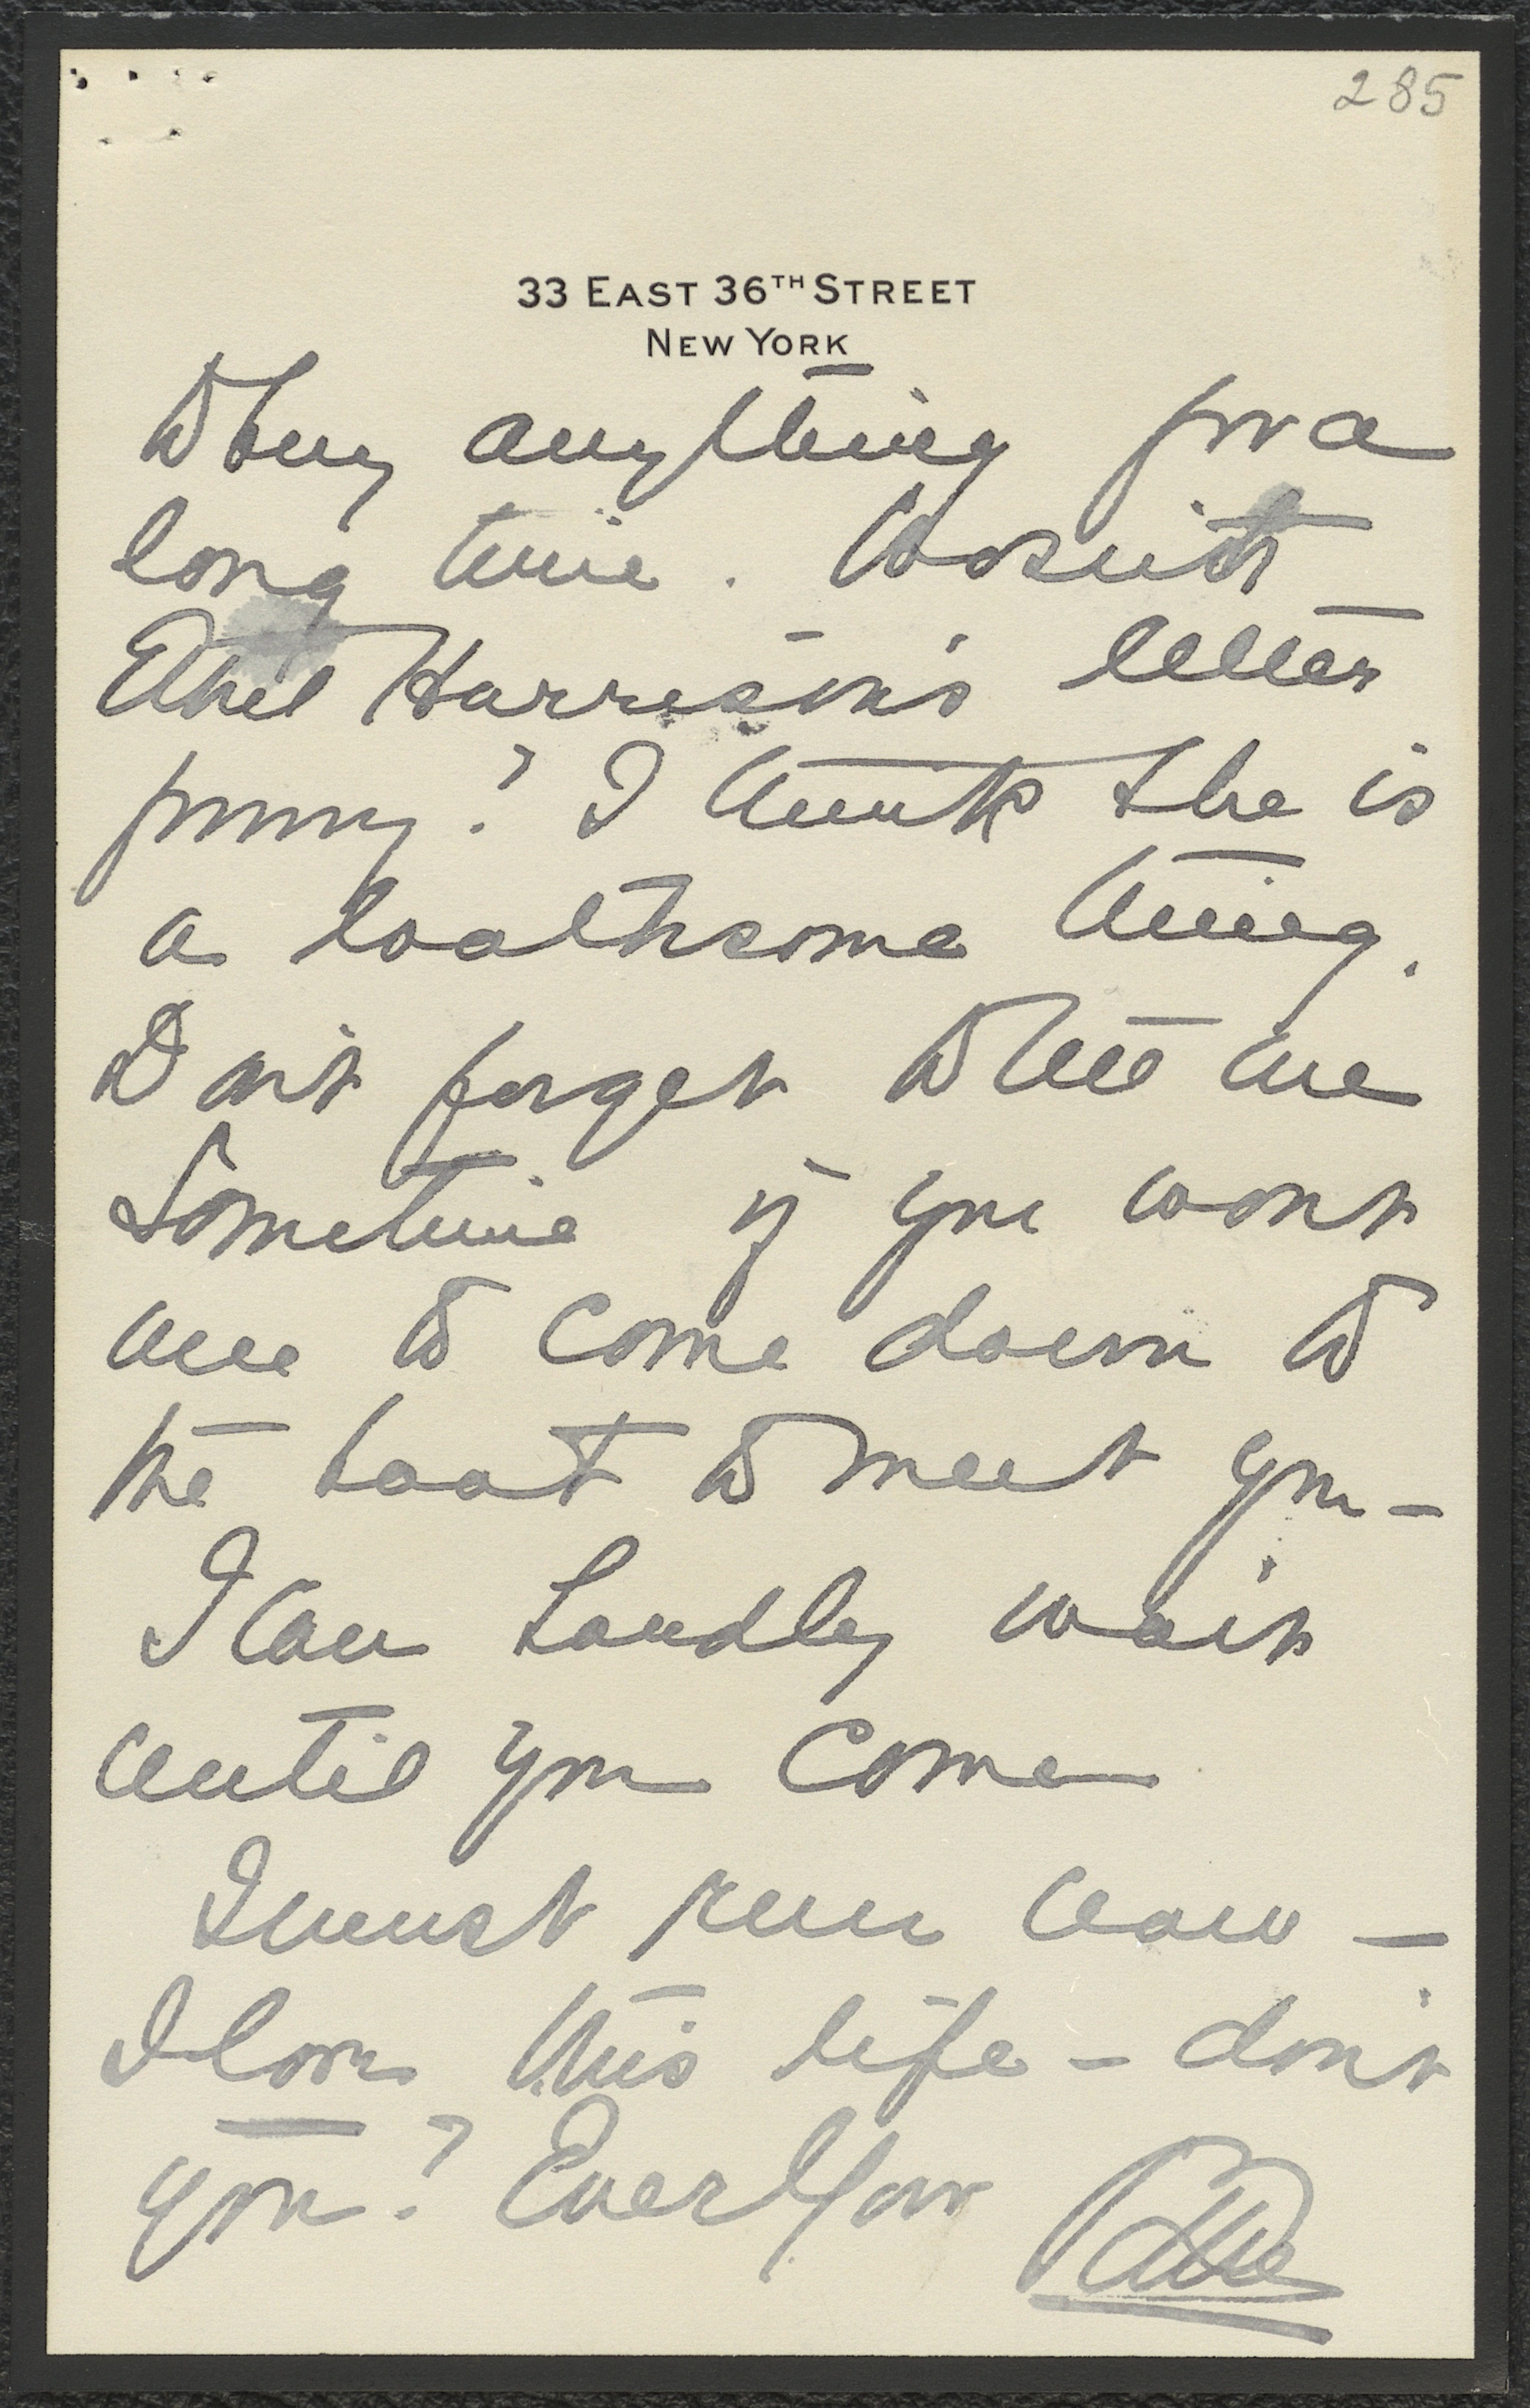to buy anything for a long time. Wasn’t Ethel Harrison’s letter funny? I think she is a loathsome thing. Don’t forget to tell me sometime if you want me to come down to the boat to meet you –
I can hardly wait until you come –
I must run now – I love this life – don’t you? Ever Your Belle